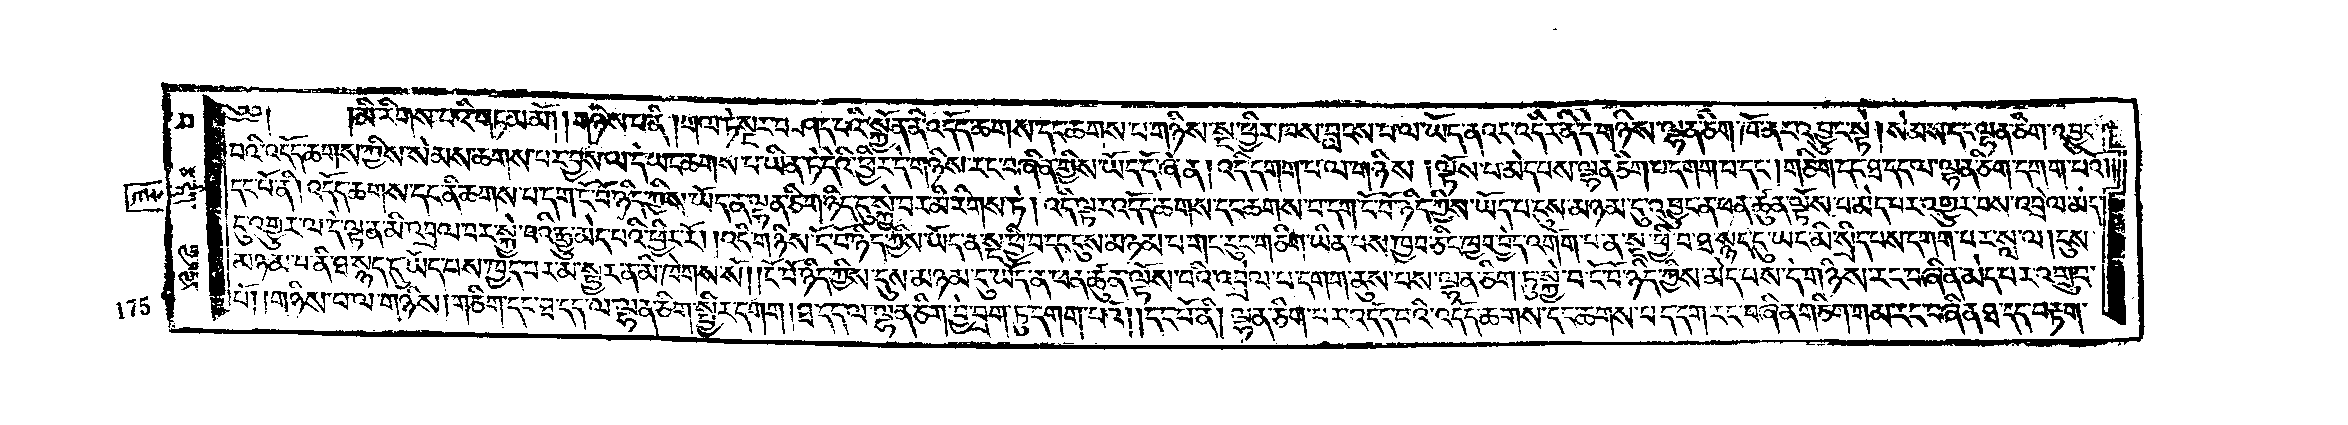༄༅། །མི་རིགས་པའི་གཏམ་མོ། །གཉིས་པ་ནི་།གལ་ཏེ་སྔར་བཤད་པའི་སྐྱོན་ནི་འདོད་ཆགས་དང་ཆགས་པ་གཉིས་སྔ་ཕྱིར་ཁས་བླངས་པ་ལ་ཡོད་ནའང་འདིར་ནི་དེ་གཉིས་ལྷན་ཅིག་ཁོ་ནར་འབྱུང་སྟེག། སེམས་དང་ལྷན་ཅིག་འབྱུང་
བའི་འདོད་ཆགས་ཀྱིས་སེམས་ཆགས་པར་བྱས་ལ་དེ་ཡང་ཆགས་པ་ཡིན་ཏེ་དེའི་ཕྱིར་དེ་གཉིས་རང་བཞིན་གྱིས་ཡོད་དོ་ཞེ་ན། འདི་དགག་པ་ལ་གཉིས། ལྟོས་པ་མེད་པས་ལྷན་ཅིག་པ་དགག་པ་དང་། གཅིག་དང་ཐ་དད་ལ་ལྷན་ཅིག་དགག་པའོ། །
དང་པོ་ནི། འདོད་ཆགས་དང་ནི་ཆགས་པ་དག་ངོ་བོ་ཉིད་ཀྱིས་ཡོད་ན་ལྷན་ཅིག་ཉིད་དུ་སྐྱེ་བར་མི་རིགས་ཏེ། འདི་ལྟར་འདོད་ཆགས་དང་ཆགས་བ་དག་ངོ་བོ་ཉིད་ཀྱིས་ཡོད་པ་དུས་མཉམ་དུ་འབྱུང་ན་ཕན་ཚུན་ལྟོས་པ་མེད་པར་འགྱུར་པས་འགྲེལ་མེད་
དུ་འགྱུར་ལ་དེ་ལྟ་ན་མི་འབྲལ་བར་སྐྱེ་བའི་རྒྱུ་མེད་པའི་ཕྱིར་ར། །འདི་གཉིས་ངོ་བོ་ཉིད་ཀྱིས་ཡོད་ན་སྔར་ཕྱི་བ་དང་དུས་མཉམ་པ་གང་རུང་གཅིག་ཡིན་པས་ཁྱབ་ཅིང་ཁྱབ་བྱེད་འགོག་པ་ན་སྔ་ཕྱི་བ་ཐ་སྙད་དུ་ཡང་མི་སྲིད་པས་དགག་པར་སླ་ལ། དུས་
མཉམ་པ་ནི་ཐ་སྙད་དུ་ཡོད་པས་ཁྱད་པར་མི་སྦྱར་ན་མི་འཁགས་སོ། །ངོ་བོ་ཉིད་ཀྱིས་དུས་མཉམ་དུ་ཡོད་ན་ཕན་ཚུན་ལྟོས་པའི་འབྲེལ་པ་དགག་ནུས་པས་ལྷན་ཅིག་ཏུ་སྐྱེ་བ་ངོ་བོ་ཉིད་ཀྱིས་མེད་པས་དེ་གཉིས་རང་བཞིན་མེད་པར་འགྲུབ་
པོ། །གཉིས་པ་ལ་གཉིས། གཅིག་དང་ཐ་དད་ལ་ལྷན་ཅིག་སྤྱིར་དགག། ཐ་དད་ལ་ལྷན་ཅིག་བྱེ་བྲག་ཏུ་དགག་པའོ། །དང་པོ་ནི། ལྷན་ཅིག་བར་འདོད་པའི་འདོད་ཆགས་དང་ཆགས་པ་དང་ཆགས་པ་དག་རང་བཞིན་གཅིག་གམ་རང་བཞིན་ཐ་དད་བརྟག་